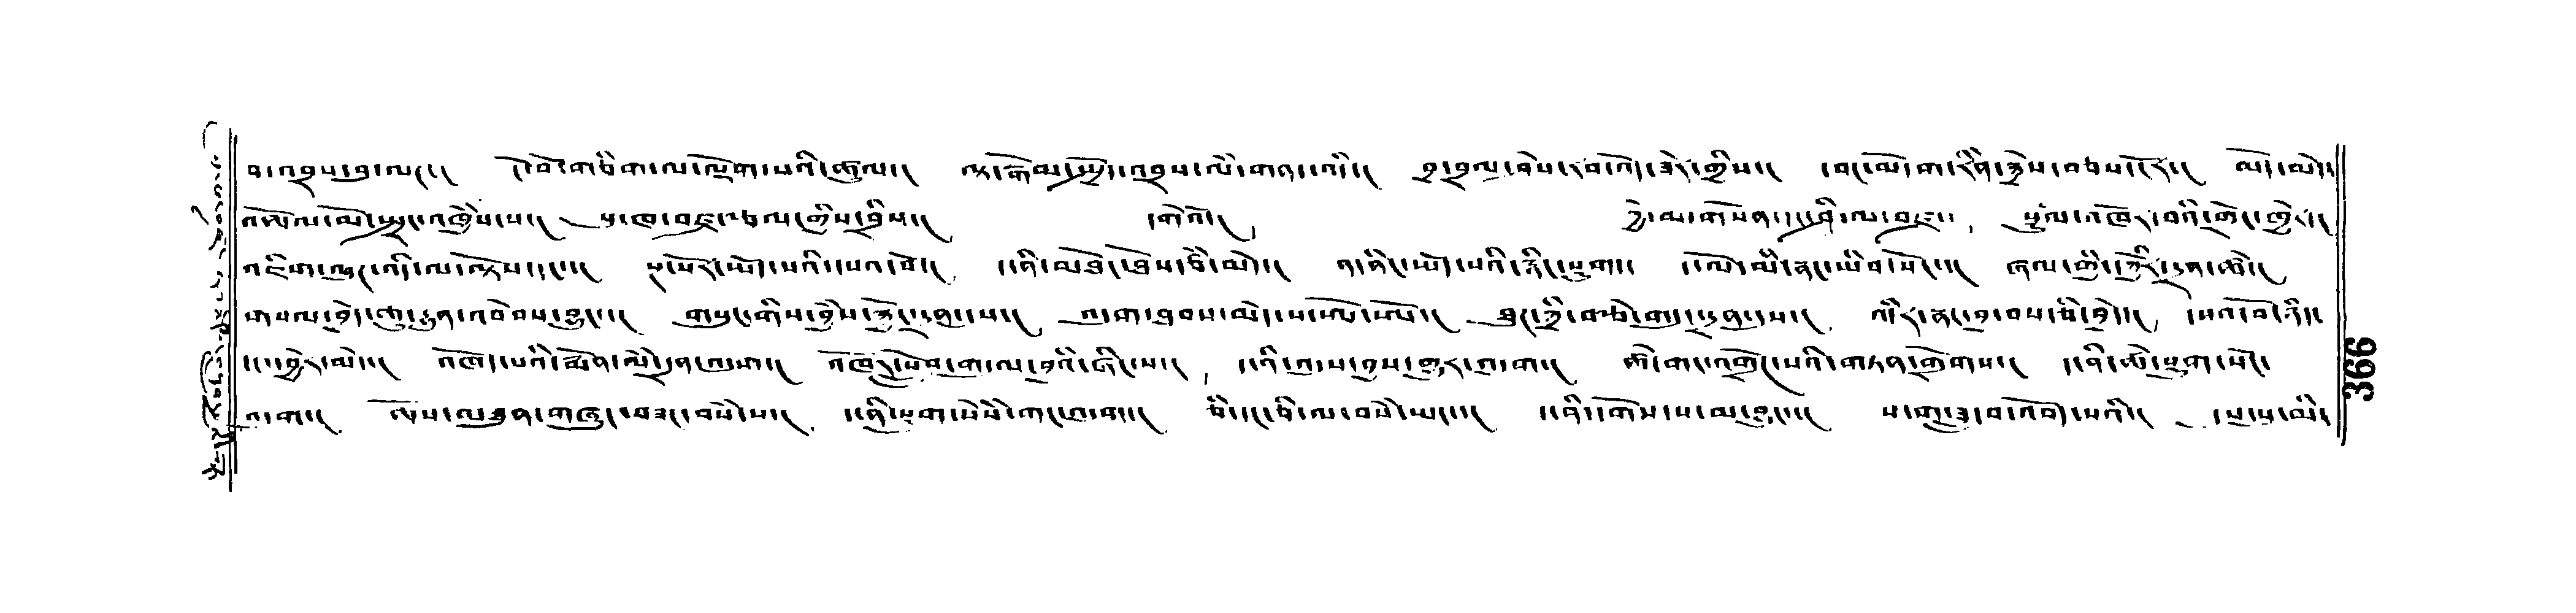བ་འབྲས་བུ་ལགས། །ངོ་བོ་གཅིག་ལ་ལྡོག་པའི་ཚུལ། །ལྟ་སྒོམ་སྤྱོད་འབྲས་ལམ་གནད་འདི། །བྱ་བྲལ་ཤེས་རབ་འོད་ཟེར་གྱིས། །དབང་མདོག་རིན་ཆེན་སྐྱེས་བཅས་ངོར། །མདོ་མེད་
འཆོལ་མོ་སྤྲང་འཁྱམས་པ། །སུ་ཁ་བཛྲ་རྩལ་གྱིས་བྲིས། དགེའོ།། ཀྱེ་མ་གསོན་དང་ཤཱི་ལ་བཛྲ། །སྡུག་བསྔལ་འཁོར་བའི་གྲོང་ཁྱེར། །
འཇིག་ལུགས་འདི་ལ་ལྟོས་དང་། །སྔ་སོར་ཡོད་པའི་དཔའ་བོ། །ད་ནི་མཐོང་ཐོས་ཙམ་མེད། །ན་ནིང་ཡོད་པའི་སྙིང་སྡུག །ད་ལོ་མི་སྣང་ཡིབ་སོང་། །ཞལ་གྱི་དཀྱིལ་འཁོར་དྲན་ཚེ། །
གསལ་བྱེད་ཆུ་རྒྱུན་འབེབས་བྱུང་། །གསུང་གིས་བྱམས་སྐྱོང་དྲན་དུས། །འདུག་ཐབས་མེད་པ་ཨོ་ཨོ། །ཐུགས་ཀྱི་བརྩེ་གདུང་དྲན་དུས། །འདིར་སྣང་བྱ་བས་ཅི་བྱེད། །དཔའ་བོ་ཉིད་
དང་དབྱེར་མེད། །འཁོད་པའི་སྨོན་ལམ་དྲན་འདུག།འཁོར་སློབ་གདུལ་བྱའི་ཞིང་ས། །ད་ནི་འདུས་བྱས་གྱུར་འདུག །ཚེ་གང་འགྲོགས་པའི་གཏན་གྲོགས། །ད་ནི་ཚེ་སྡུག་སོང་
འདུག །ཆོས་མཐུན་གཞུང་བཟང་བསམ་པ། །ད་ནི་སྡུག་སེམས་གང་འདུག །ཅི་དང་ཅི་ལ་བསམ་ཡང་། །ད་ནི་དགོས་པ་མ་བྱུང་། །ས་ག་ཟླ་བ་འབོད་པའི། །དུས་སུ་མི་